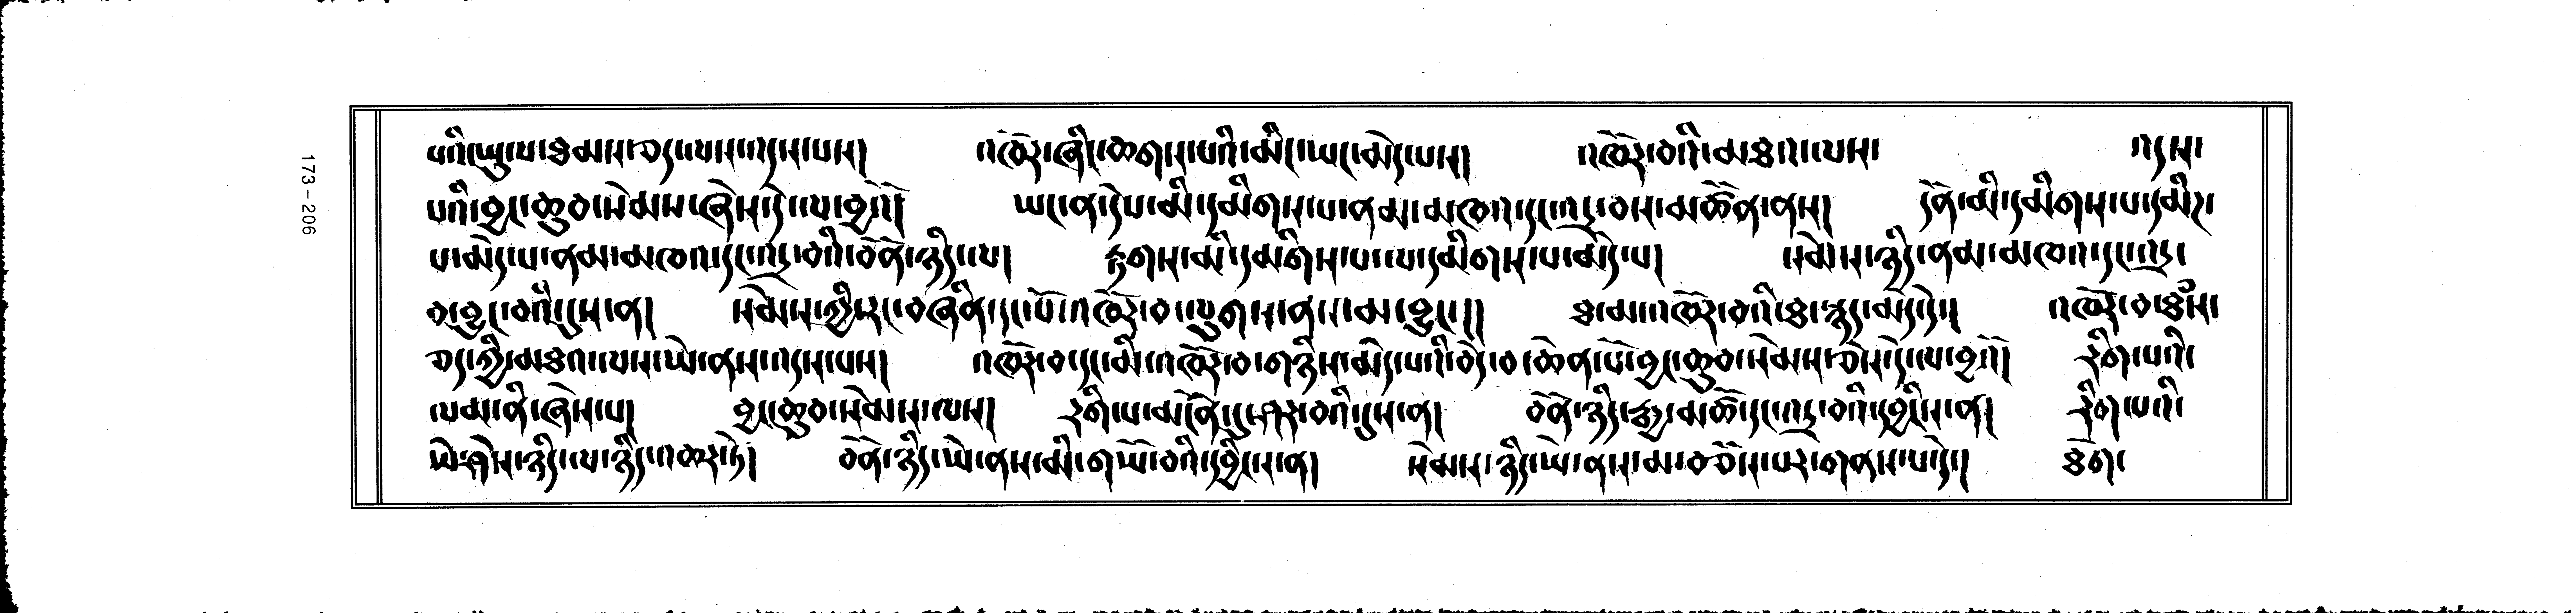པའི་ཡུལ་ཐམས་ཅད་ལས་འདས་པས། འཁོིར་ཞིང་ཆགས་པའི་མིང་ཡང་མེད་པས། འཁོར་བའི་མཐའ་ལས་འདས་
པའི་བྱང་ཆུབ་སེམས་ཞེས་དེ་ལ་བྱའོ། །ཡང་དཔེ་མི་དམིགས་པ་ནམ་མཁའ་དང་འདྲ་བས་མཚོན་ནས། དོན་མི་དམིགས་པ་དམིགས་
པ་ནམ་མཁའ་དང་འདྲ་བའི་བོན་ཉིད་ལ། རྟགས་མི་དམིགས་པ་ལ་དམིགས་པ་མེད་པ། སེམས་ཉིད་ནམ་མཁའ་དང་འདྲ་
བ་བྱུང་བའི་དུས་ན། སེམས་ཀྱི་རང་བཞིན་དང་པོ་འཁོར་བ་ལུགས་ནས་མ་བྱུང་། ཐ་མ་འཁོར་བའི་ཐ་སྙད་མེད་དེ། འཁོར་བ་ཐམས་
ཅད་ཀྱི་མཐའ་ལས་ཡེ་ནས་འདས་པས། འཁོར་བ་དང་མི་འཁོར་བ་གཉིས་མེད་པའི་བདེ་བ་ཆེན་པོའི་བྱང་ཆུབ་སེམས་ཅེས་དེ་ལ་བྱའོ། །རིག་པའི་
ལམ་ནི་ཞེས་པ། བྱང་ཆུབ་སེམས་ནི་རིག་པ་མངོན་དུ་ཤར་བའི་དུས་ན། བོན་ཉིད་རྒྱ་མཚོ་དང་འདྲ་བའི་དབྱིངས་ན། རིག་པའི་
ཡེ་ཤེས་ཉིད་ལ་ཉིད་འཆར་ཏེ། བོན་ཉིད་ཡེ་ནས་མི་གཡོ་བའི་དབྱིངས་ན། སེམས་ཉིད་ཡེ་ནས་མ་བཅོས་པར་གནས་པ་དེ། ཐོག་